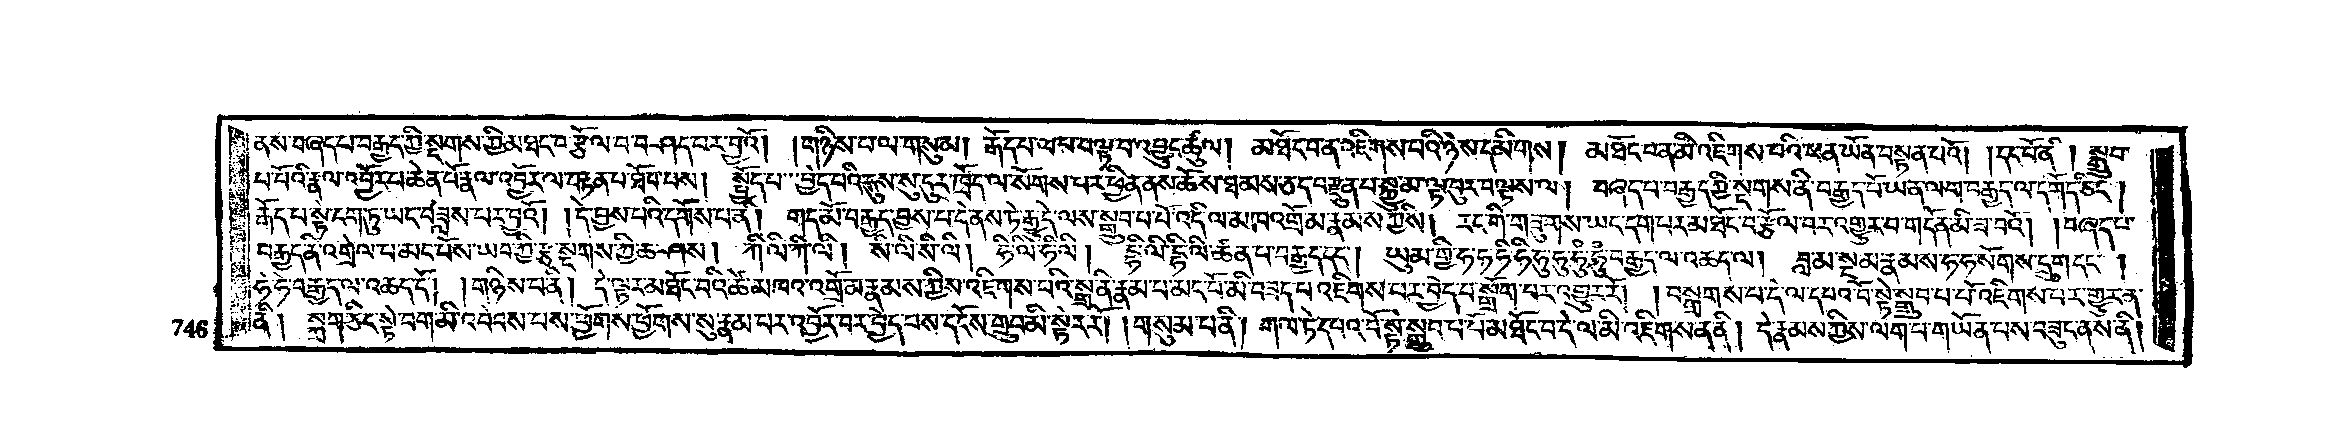ནས་བཞད་པ་བརྒྱད་ཀྱི་སྔགས་ཀྱི་མཐོང་བ་རྩོལ་བ་བཤད་པར་བྱའོ། །གཉིས་པ་ལ་གསུམ། རྒོད་པ་ལས་བལྟ་བ་འབྱུང་ཚུལ། མཐོང་བ་ན་འཇིགས་པའི་ཉེས་དམིགས། མཐོང་བ་ན་མི་འཇིགས་པའི་ཕན་ཡོན་བསྟན་པའོ། །དང་པོ་ནི། སྒྲུབ་
པ་པོའི་རྣལ་འབྱོར་པ་ཆེན་པོ་རྣལ་འབྱོར་ལ་བརྟན་པ་ཐོབ་པས། སྤྱོད་པ་བྱེད་པའི་དུས་སུ་དུར་ཁྲོད་ལ་སོགས་པར་ཕྱིན་ནས་ཆོས་ཐམས་ཅད་བརྫུན་པ་སྒྱུ་མ་ལྟ་བུར་བལྟས་ལ། བཞད་པ་བརྒྱད་ཀྱི་སྔགས་ནི་བརྒྱད་པོ་ཡན་ལག་བརྒྱད་ལ་དགོད་ཅིང་།
རྒོད་པ་སྟེ་ངག་ཏུ་ཡང་བཟླས་པར་བྱའོ། །དེ་བྱས་པའི་དགོས་པ་ནི། གད་མོ་བརྒྱད་བྱས་པ་དེ་ནས་ཏེ་རྒྱུ་དེ་ལས་སྒྲུབ་པ་པོ་འདི་ལ་མཁའ་འགྲོ་མ་རྣམས་ཀྱིས། རང་གི་གཟུགས་ཡང་དག་པར་མཐོང་བ་རྩོལ་བར་འགྱུར་བ་གདོན་མི་ཟ་བའོ། །བཞད་པ་
བརྒྱད་ནི་འགྲེལ་པ་མང་པོས་ཡབ་ཀྱི་རྩ་སྔགས་ཀྱི་ཆ་ཤས། ཀི་ལི་ཀི་ལི། སི་ལི་སི་ལི། ཧི་ལི་ཧི་ལི། དྷི་ལི་དྷི་ལི་ཚན་པ་བརྒྱད་དང་། ཡུམ་གྱི་ཧ་ཧ་ཧི་ཧི་ཧུ་ཧུ་ཧུཾ་ཧུཾ་བརྒྱད་ལ་འཆད་ལ། བླ་མ་སྔ་མ་རྣམས་ཧ་ཧ་སོགས་དྲུག་དང་།
ཧེ་ཧེ་བརྒྱད་ལ་འཆད་དོ། །གཉིས་པ་ནི། དེ་ལྟར་མཐོང་བའི་ཚེ་མཁའ་འགྲོ་མ་རྣམས་ཀྱིས་འཇིགས་པའི་སྒྲ་ནི་རྣམ་པ་མང་པོ་མི་བཟད་པ་འཇིགས་པར་བྱེད་པ་སྒྲོག་པར་འགྱུར་རོ། །བསྒྲགས་པ་དེ་ལ་དཔའ་བོ་སྟེ་སྒྲུབ་པ་པོ་འཇིགས་པར་གྱུར་ན་
ནི། སྐྲག་ཅིང་སྟེ་བག་མི་འབེབས་པས་ཕྱོགས་ཕྱོགས་སུ་རྣམ་པར་འབྱོར་བར་བྱེད་པས་དངོས་གྲུབ་མི་སྟེར་རོ། །གསུམ་པ་ནི། གལ་ཏེ་དཔའ་བོ་སྟེ་སྒྲུབ་པ་པོ་མཐོང་བ་དེ་ལ་མི་འཇིགས་ན་ནི། དེ་རྣམས་ཀྱིས་ལག་པ་གཡོན་པས་བཟུང་ནས་ནི།